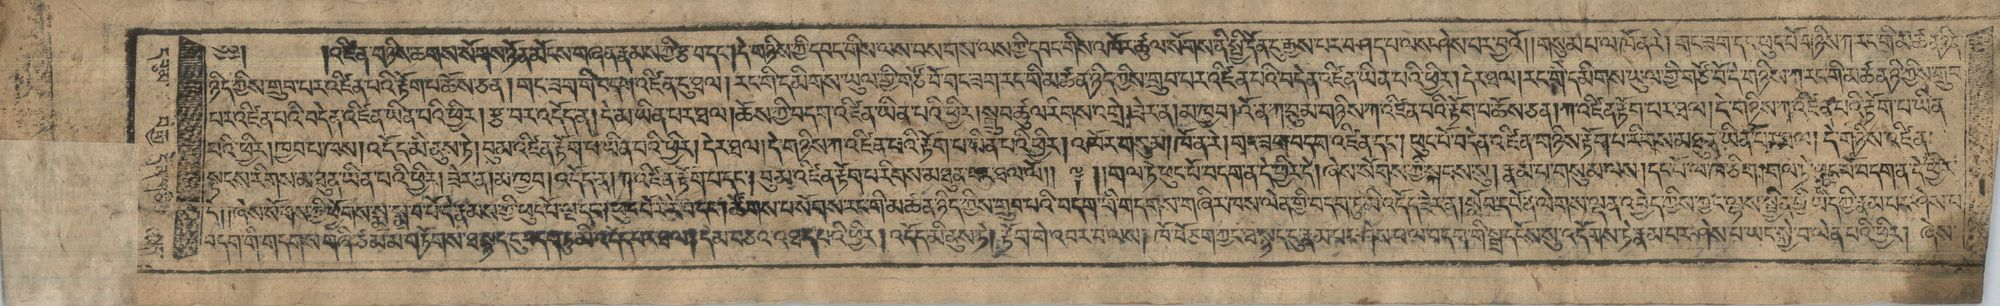༄༅། །འཛིན་གཉིས་ཆགས་སོགས་ཉོན་མོངས་གཞན་རྣམས་ཀྱི་རྩ་བ་དང་། དེ་གཉིས་ཀྱི་དབང་གིས་ལས་བསགས་ལས་ཀྱི་དབང་གིས་འཁོར་ཚུལ་སོགས་ནི་སྤྱི་དོན་དུ་རྒྱས་པར་བཤད་པ་ལས་ཤེས་པར་བྱའོ། །གསུམ་པ་ལ་ཁོ་ན་རེ། གང་ཟག་དང་ཕུང་པོ་གཉིས་ཀ་རང་གི་མཚན་
ཉིད་ཀྱིས་གྲུབ་པར་འཛིན་པའི་རྟོག་པ་ཆོས་ཅན། གང་ཟག་གི་བདག་འཛིན་དུ་ཐལ། རང་གི་དམིགས་ཡུལ་གྱི་གཙོ་བོ་གང་ཟག་རང་གི་མཚན་ཉིད་ཀྱིས་གྲུབ་པར་འཛིན་པའི་བདེན་འཛིན་ཡིན་པའི་ཕྱིར། དེར་ཐལ། རང་གི་དམིགས་ཡུལ་གྱི་གཙོ་བོ་དེ་གཉིས་ཀ་རང་གི་མཚན་ཉི་ཀྱིས་གྲུབ་
པར་འཛིན་པའི་བདེན་འཛིན་ཡིན་པའི་ཕྱིར། རྩ་བར་འདོད་ན། དེ་མ་ཡིན་པར་ཐལ། ཆོས་ཀྱི་བདག་འཛིན་ཡིན་པའི་ཕྱིར། སྒྲུབ་ཚུལ་རིགས་འགྲེ། ཟེར་ན། མ་ཁྱབ། འོ་ན་ཀ་བུམ་གཉིས་ཀ་འཛིན་པའི་རྟོག་པ་ཆོས་ཅན། ཀ་འཛིན་རྟོག་པར་ཐལ། དེ་གཉིས་ཀ་འཛིན་པའི་རྟོག་པ་ཡིན་
པའི་ཕྱིར། ཁྱབ་པ་ཁས། འདོད་མི་ནུས་ཏེ། བུམ་འཛིན་རྟོག་པ་ཡིན་པའི་ཕྱིར། དེར་ཐལ། དེ་གཉིས་ཀ་འཛིན་པའི་རྟོག་པ་ཡིན་པའི་ཕྱིར། འཁོར་གསུམ། ཁོ་ན་རེ། གང་ཟག་བདག་འཛིན་དང་། ཕུང་པོ་བདེན་འཛིན་གཉིས་རྟོག་པ་རིགས་མཐུན་ཡིན་པར་ཐལ། དེ་གཉིས་འཛིན་
སྟངས་རིགས་མཐུན་ཡིན་པའི་ཕྱིར། ཟེར་ན། མ་ཁྱབ། འདོད་ན། ཀ་འཛིན་རྟོག་པ་དང་། བུམ་འཛིན་རྟོག་པ་རིགས་མཐུན་པར་ཐལ་ལོ།། ༈ །།གལ་ཏེ་ཕུང་པོ་བདག་ན་དེ་ཕྱིར་དེ། ཞེས་སོགས་ཀྱི་སྐབས་སུ། རྣམ་པ་གསུམ་ལས། དང་པོ་ལ་ཁ་ཅིག །གལ་ཏེ་ཕུང་པོ་བདག་ན་དེ་ཕྱིར་
དེ༑ ༑ཞེས་སོགས་ཀྱི་ཕྱོགས་སྔ་སྨྲ་བ་པོ་དེ་རྣམས་ཀྱིས་ཕུང་པོ་ལྔ་དང་། ཕུང་པོ་རེ་རེ་བ་དང་། ཚོགས་པ་སོགས་རང་གི་མཚན་ཉིད་ཀྱིས་གྲུབ་པའི་བདག་གི་གདགས་གཞིར་ཁས་ལེན་གྱི་བདག་ཏུ་མི་འདོད་ཟེར་ན། སློབ་དཔོན་ལེགས་ལྡན་འབྱེད་ཀྱིས་ཀྱང་ལྷས་སྦྱིན་གྱི་ཡིད་ཀྱི་རྣམ་པར་ཤེས་པ་
བདག་གི་གདགས་གཞི་ཙམ་མ་གཏོགས་ཐ་སྙད་དུ་བདག་ཏུ་མི་འདོད་པར་ཐལ། དམ་བཅའ་འཐད་པའི་ཕྱིར། འདོད་མི་ནུས་ཏེ། རྟོག་གེ་འབར་བ་ལས། ཁོ་བོ་ཅག་ཀྱང་ཐ་སྙད་དུ་རྣམ་པར་ཤེས་པ་ལ་བདག་གི་སྒྲ་དངོས་སུ་འདོགས་ཏེ་རྣམ་པར་ཤེས་པ་ཡང་སྐྱེ་བ་ལེན་པའི་ཕྱིར། ཞེས་